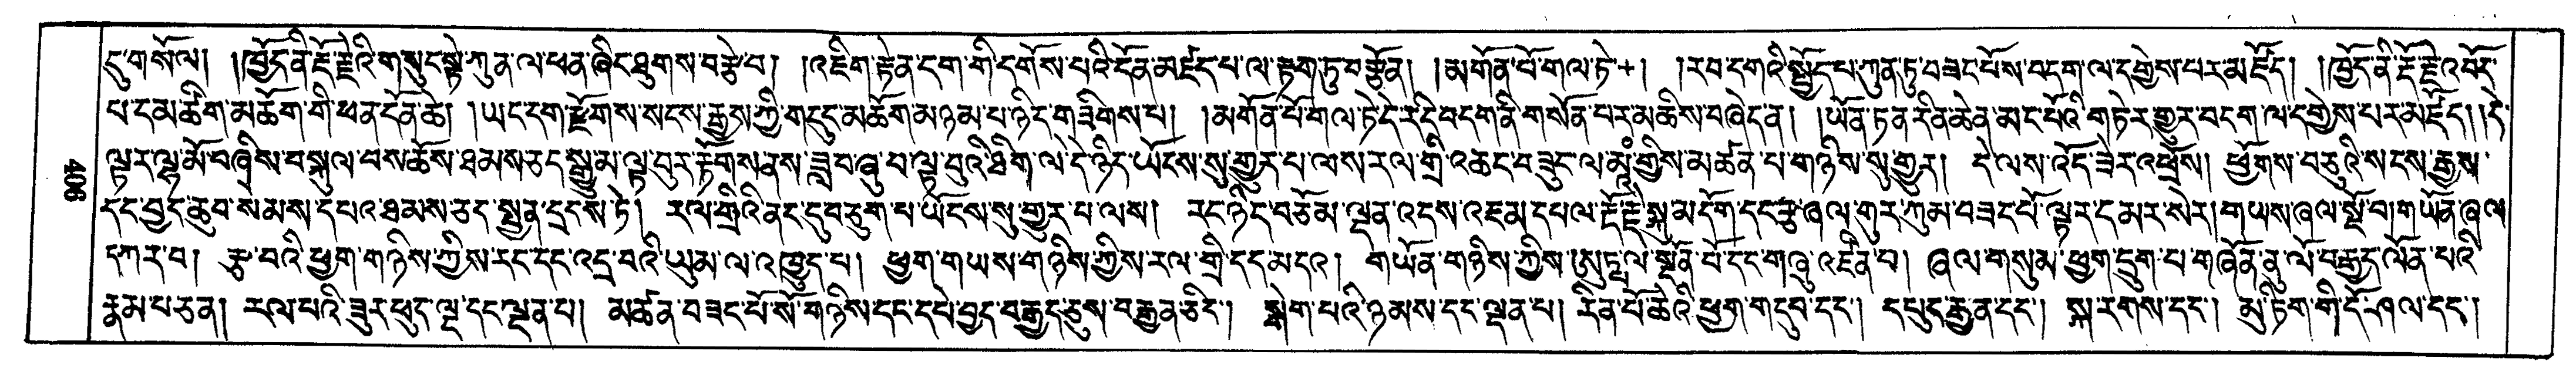དུ་གསོལ། །ཁྱོད་ནི་རོ་རྗེའི་གསུང་སྟེ་ཀུན་ལ་ཕན་ཞིང་ཐུགས་བརྩེ་བ། །འཇིག་རྟེན་དག་གི་དངོས་པའི་དོན་མཛད་ལ་རྟག་ཏུ་བརྩོན། །མགོན་པོ་གལ་ཏེ་+། །རབ་དགའི་སྤྱོད་པ་ཀུན་ཏུ་བཟང་པོས་བདག་ལ་དགྱེས་པར་མཛོད། །ཁྱོད་ནི་རྡོ་རྗེ་འདོད་
པ་དམ་ཚིག་མཆོག་གི་ཕན་དོན་ཆེ། །ཡང་དག་རྫོགས་སངས་རྒྱས་ཀྱི་གདུང་མཆོག་མཉམ་པ་ཉིད་གཟིགས་པ། །མགོན་པོ་གལ་ཏེ་དེ་རིང་བདག་ནི་གསོན་པར་མཆིས་བཞེད་ན། །ཡོན་ཏན་རིན་ཆེན་མང་པོའི་གཏེར་གྱུར་བདག་ལ་དགྱེས་པར་མཛོད། །དེ་
ལྟར་ལྷ་མོ་བཞིས་བསྐུལ་བས་ཆོས་ཐམས་ཅད་སྒྱུ་མ་ལྟ་བུར་རྟོགས་ནས་ཟླ་བ་ཞུ་བ་ལྟ་བུའི་ཐིག་ལེ་དེ་ཉིད་ཡོངས་སུ་གྱུར་པ་ལས་རལ་གྲི་འཆང་བཟུང་ལ་མཱཾ་གྱིས་མཚན་པ་གཉིས་སུ་གྱུར། དེ་ལས་འོད་ཟེར་འཕྲས། ཕྱོགས་བཅུའི་སངས་རྒྱས་
དང་བྱང་ཆུབ་སེམས་དཔའ་ཐམས་ཅད་སྤྱན་དྲངས་ཏེ། རལ་གྲིའི་ནང་དུ་བཅུག་པ་ཡོངས་སུ་གྱུར་པ་ལས། རང་ཉིད་བཅོམ་ལྡན་འདས་འཇམ་དཔལ་རྡོ་རྗེ་སྐུ་མདོག་དང་རྩ་ཞལ་གུར་ཀུམ་བཟང་པོ་ལྟར་དམར་སེར། གཡས་ཞལ་སྔོ་བ། གཡོན་ཞལ་
དཀར་བ། རྩ་བའི་ཕྱག་གཉིས་ཀྱིས་རང་དང་འདྲ་བའི་ཡུམ་ལ་འཁྱུད་པ། ཕྱག་གཡས་གཉིས་ཀྱིས་རལ་གྲི་དང་མངའ། གཡོན་གཉིས་ཀྱིས་ཨུཏྤལ་སྔོན་པོ་དང་གཞུ་འཛིན་པ། ཞལ་གསུམ་ཕྱག་དྲུག་པ་གཞོན་ནུ་ལོ་བརྒྱད་ལོན་པའི་
རྣམ་པ་ཅན། རལ་པའི་ཟུར་ཕུད་ལྔ་དང་ལྡན་པ། མཚན་བཟང་པོ་སོ་གཉིས་དང་དཔེ་བྱད་བརྒྱད་ཅུས་བརྒྱན་ཅིང་། སྒེག་པའི་ཉམས་དང་ལྡན། རིན་པོ་ཆེའི་ཕྱག་གདུབ་དང་། དཔུང་རྒྱན་དང་། སྐ་རགས་དང་། མུ་ཏིག་གི་དོ་ཤལ་དང་།